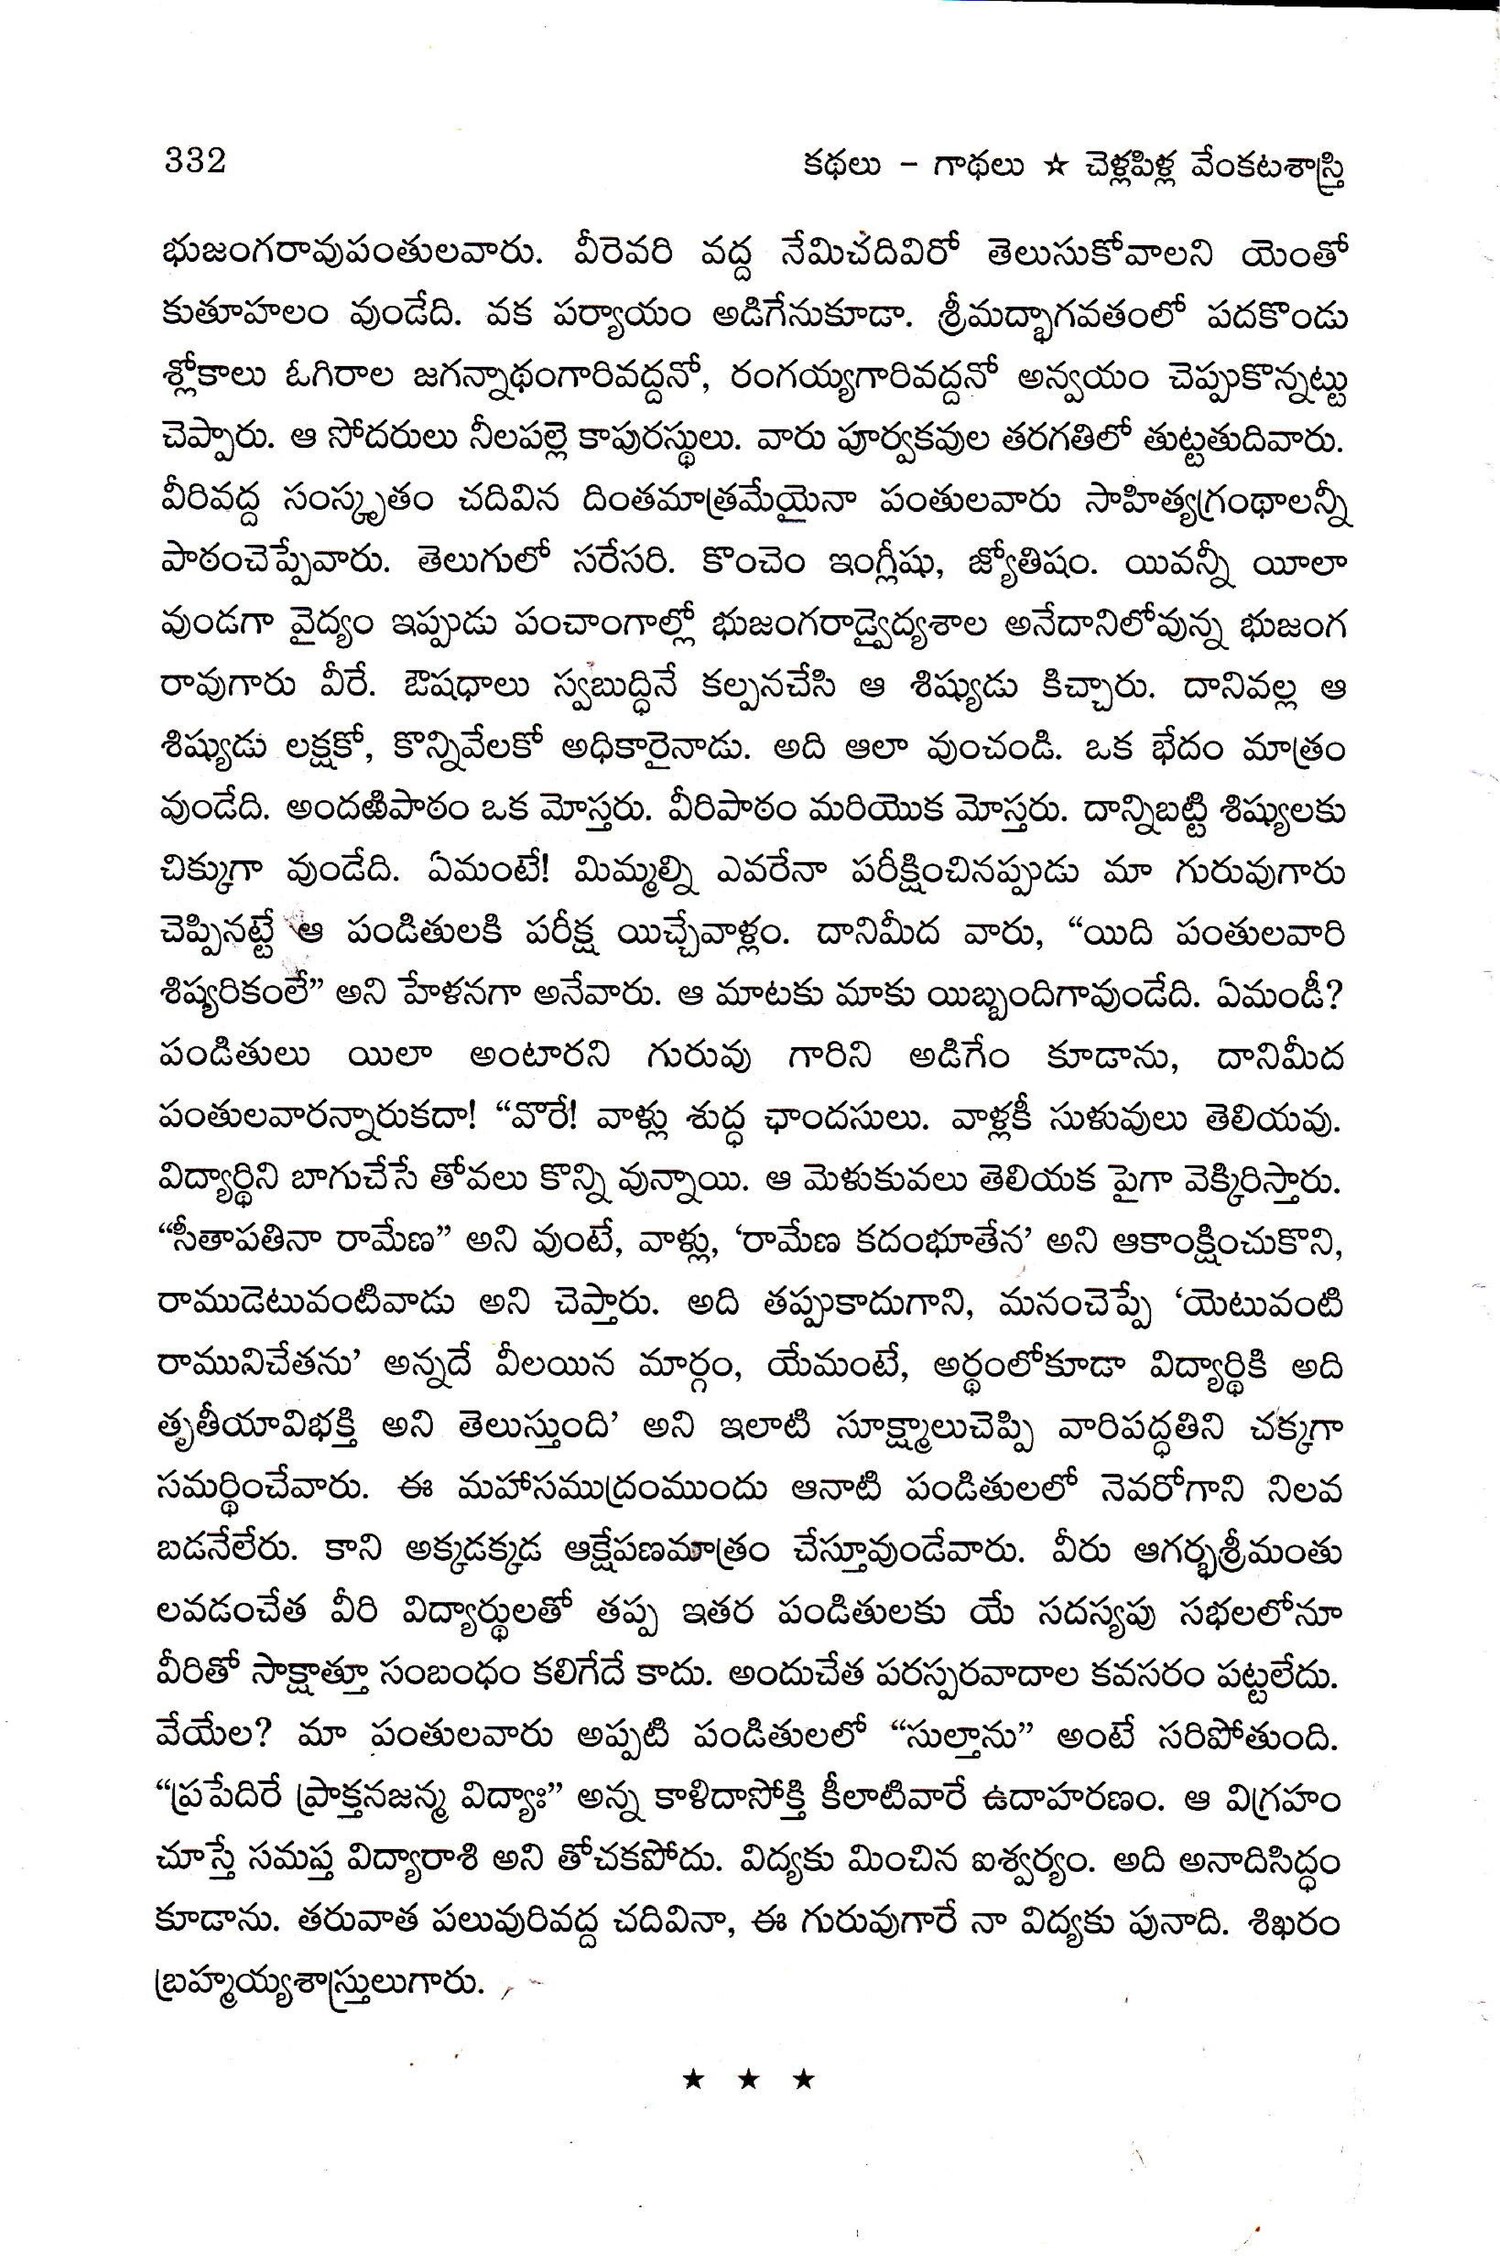భుజంగరావుపంతులవారు. వీరెవరి వద్ద నేమిచదివిరో తెలుసుకోవాలని యెంతో కుతూహలం వుండేది. వక పర్యాయం అడిగేనుకూడా. శ్రీమద్భాగవతంలో పదకొండు శ్లోకాలు ఓగిరాల జగన్నాథంగారివద్దనో, రంగయ్యగారివద్దనో అన్వయం చెప్పకొన్నట్టు చెప్పారు. ఆ సోదరులు నీలపల్లె కాపురస్టులు. వారు పూర్వకవుల తరగతిలో తుట్టతుదివారు. వీరివద్ద సంస్కృతం చదివిన దింతమాత్రమేయైనా పంతులవారు సాహిత్యగ్రంథాలన్నీ పాఠంచెప్పేవారు. తెలుగులో సరేసరి. కొంచెం ఇంగ్లీషు, జ్యోతిషం. యివన్నీ యీలా వుండగా వైద్యం ఇప్పుడు పంచాంగాల్లో భుజంగరాడ్వైద్యశాల అనేదానిలోవున్న భుజంగరావుగారు వీరే. ఔషధాలు స్వబుద్ధినే కల్పనచేసి ఆ శిష్యుడు కిచ్చారు. దానివల్ల ఆ శిష్యుడు లక్షకో, కొన్నివేలకో అధికారైనాడు. అది ఆలా వుంచండి. ఒక భేదం మాత్రం వుండేది. అందఱిపాఠం ఒక మోస్తరు. వీరిపాఠం మరియొక మోస్తరు. దాన్నిబట్టి శిష్యులకు చిక్కుగా వుండేది. ఏమంటే! మిమ్మల్ని ఎవరేనా పరీక్షించినప్పుడు మా గురువుగారు చెప్పినట్టే ఆ పండితులకి పరీక్ష యిచ్చేవాళ్లం. దానిమీద వారు, “యిది పంతులవారి శిష్యరికంలే” అని హేళనగా అనేవారు. ఆ మాటకు మాకు యిబ్బందిగావుండేది. ఏమండీ? పండితులు యిలా అంటారని గురువు గారిని అడిగేం కూడాను, దానిమీద పంతులవారన్నారుకదా! “వొరే! వాళ్లు శుద్ధ ఛాందసులు. వాళ్లకీ సుళువులు తెలియవు. విద్యార్థిని బాగుచేసే తోవలు కొన్ని వున్నాయి. ఆ మెళుకువలు తెలియక పైగా వెక్కిరిస్తారు. “సీతాపతినా రామేణ” అని వుంటే, వాళ్లు, 'రామేణ కదంభూతేన' అని ఆకాంక్షించుకొని, రాముడెటువంటివాడు అని చెప్తారు. అది తప్పకాదుగాని, మనంచెప్పే 'యెటువంటి రామునిచేతను’ అన్నదే వీలయిన మార్గం, యేమంటే, అర్థంలోకూడా విద్యార్థికి అది తృతీయావిభక్తి అని తెలుస్తుంది' అని ఇలాటి సూక్ష్మాలుచెప్పి వారిపద్ధతిని చక్కగా సమర్థించేవారు. ఈ మహాసముద్రంముందు ఆనాటి పండితులలో నెవరోగాని నిలవ బడనేలేరు. కాని అక్కడక్కడ ఆక్షేపణమాత్రం చేస్తూవుండేవారు. వీరు ఆగర్భశ్రీమంతులవడంచేత వీరి విద్యార్థులతో తప్ప ఇతర పండితులకు యే సదస్యపు సభలలోనూ వీరితో సాక్షాత్తూ సంబంధం కలిగేదే కాదు. అందుచేత పరస్పరవాదాల కవసరం పట్టలేదు. వేయేల? మా పంతులవారు అప్పటి పండితులలో “సుల్తాను” అంటే సరిపోతుంది. “ప్రపేదిరే ప్రాక్తనజన్మ విద్యాః" అన్న కాళిదాసోక్తి కీలాటివారే ఉదాహరణం. ఆ విగ్రహం చూస్తే సమస్త విద్యారాశి అని తోచకపోదు. విద్యకు మించిన ఐశ్వర్యం. అది అనాదిసిద్ధం కూడాను. తరువాత పలువురివద్ద చదివినా, ఈ గురువుగారే నా విద్యకు పునాది. శిఖరం బ్రహ్మయ్యశాస్త్రులుగారు.